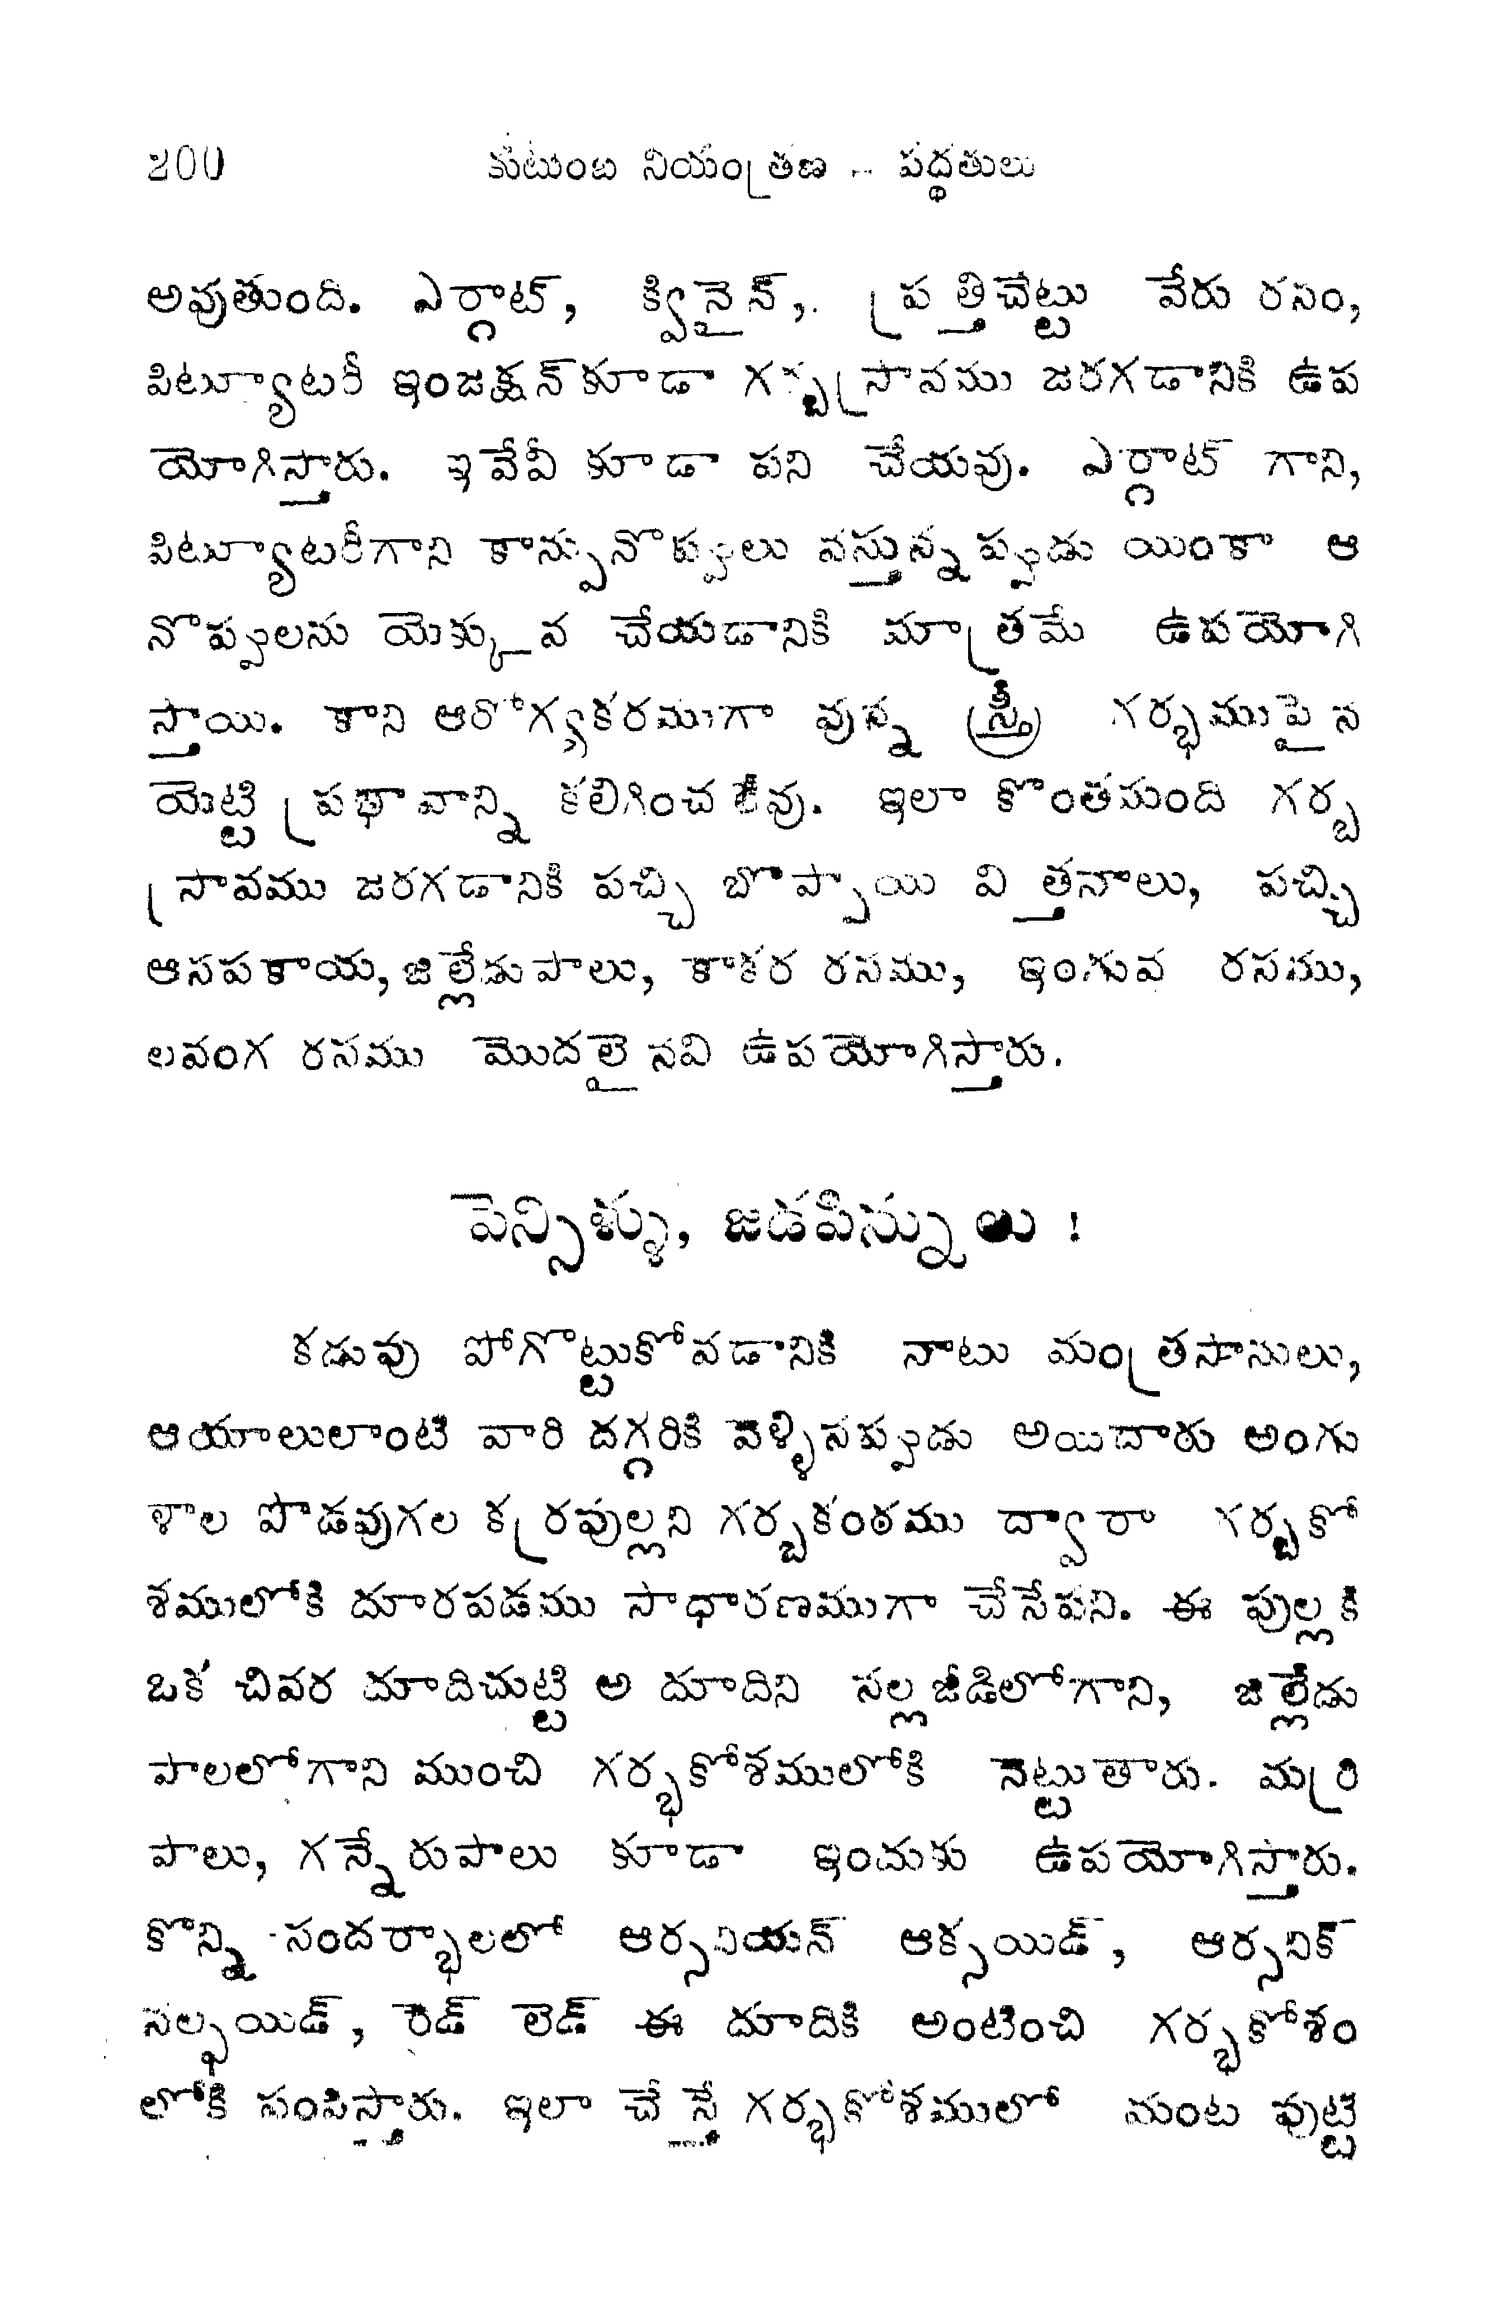అవుతుంది. ఎర్గాట్, క్వినైన్, ప్రత్తిచెట్టు వేరు రసం, పిట్యూటరీ ఇంజక్షన్ కూడా గర్భస్రావము జరగడానికి ఉపయోగిస్తారు. ఇవేవి కూడా పని చేయవు. ఎర్గట్ గాని, పిట్యూటరీగాని కాన్పునొప్పులు వస్తున్నప్పుడు యింకా ఆ నొప్పులను యెక్కువ చేయడానికి మాత్రమే ఉపయోగిస్తాయి. కాని ఆరోగ్యకరముగా వున్న స్త్రీ గర్భముపైన యెట్టి ప్రభావాన్ని కలిగించలెవు. ఇలా కొంతమంది గర్భస్రావము జరగడానికి పచ్చి బొప్పాయి విత్తనాలు, పచ్చి ఆనపకాయ, జిల్లేడుపాలు, కాకర రసము, ఇంగువ రసము, లవంగ రసము మొదలైనవి ఉపయోగిస్తారు.

కడుపు పోగొట్టుకోవడానికి నాటు మంత్రసానులు, ఆయాలులాంటి వారి దగ్గరికి వెళ్ళినప్పుడు అయిదారు అంగుళాల పొడవుగల కర్రపుల్లని గర్భకంఠము ద్వారా గర్భకోశములోకి దూరపడము సాధారణముగా చేసేపని. ఈ పుల్లకి ఒక చివర దూదిచుట్టి ఆ దూదిని నల్లజీడిలోగాని, జిల్లేడు పాలలోగాని ముంచి గర్భకోశములోకి నెట్టుతారు. మర్రిపాలు, గన్నేరుపాలు కూడా ఇందుకు ఉపయోగిస్తారు. కొన్ని సందర్భాలలో ఆర్సనియన్ ఆక్సయిడ్, ఆర్సనిక్ సల్పయిడ్, రెడ్ లెడ్ ఈ దూదికి అంటించి గర్భకోశంలోకి పంపిస్తారు. ఇలా చేస్తే గర్భకోశములో మంట పుట్టి